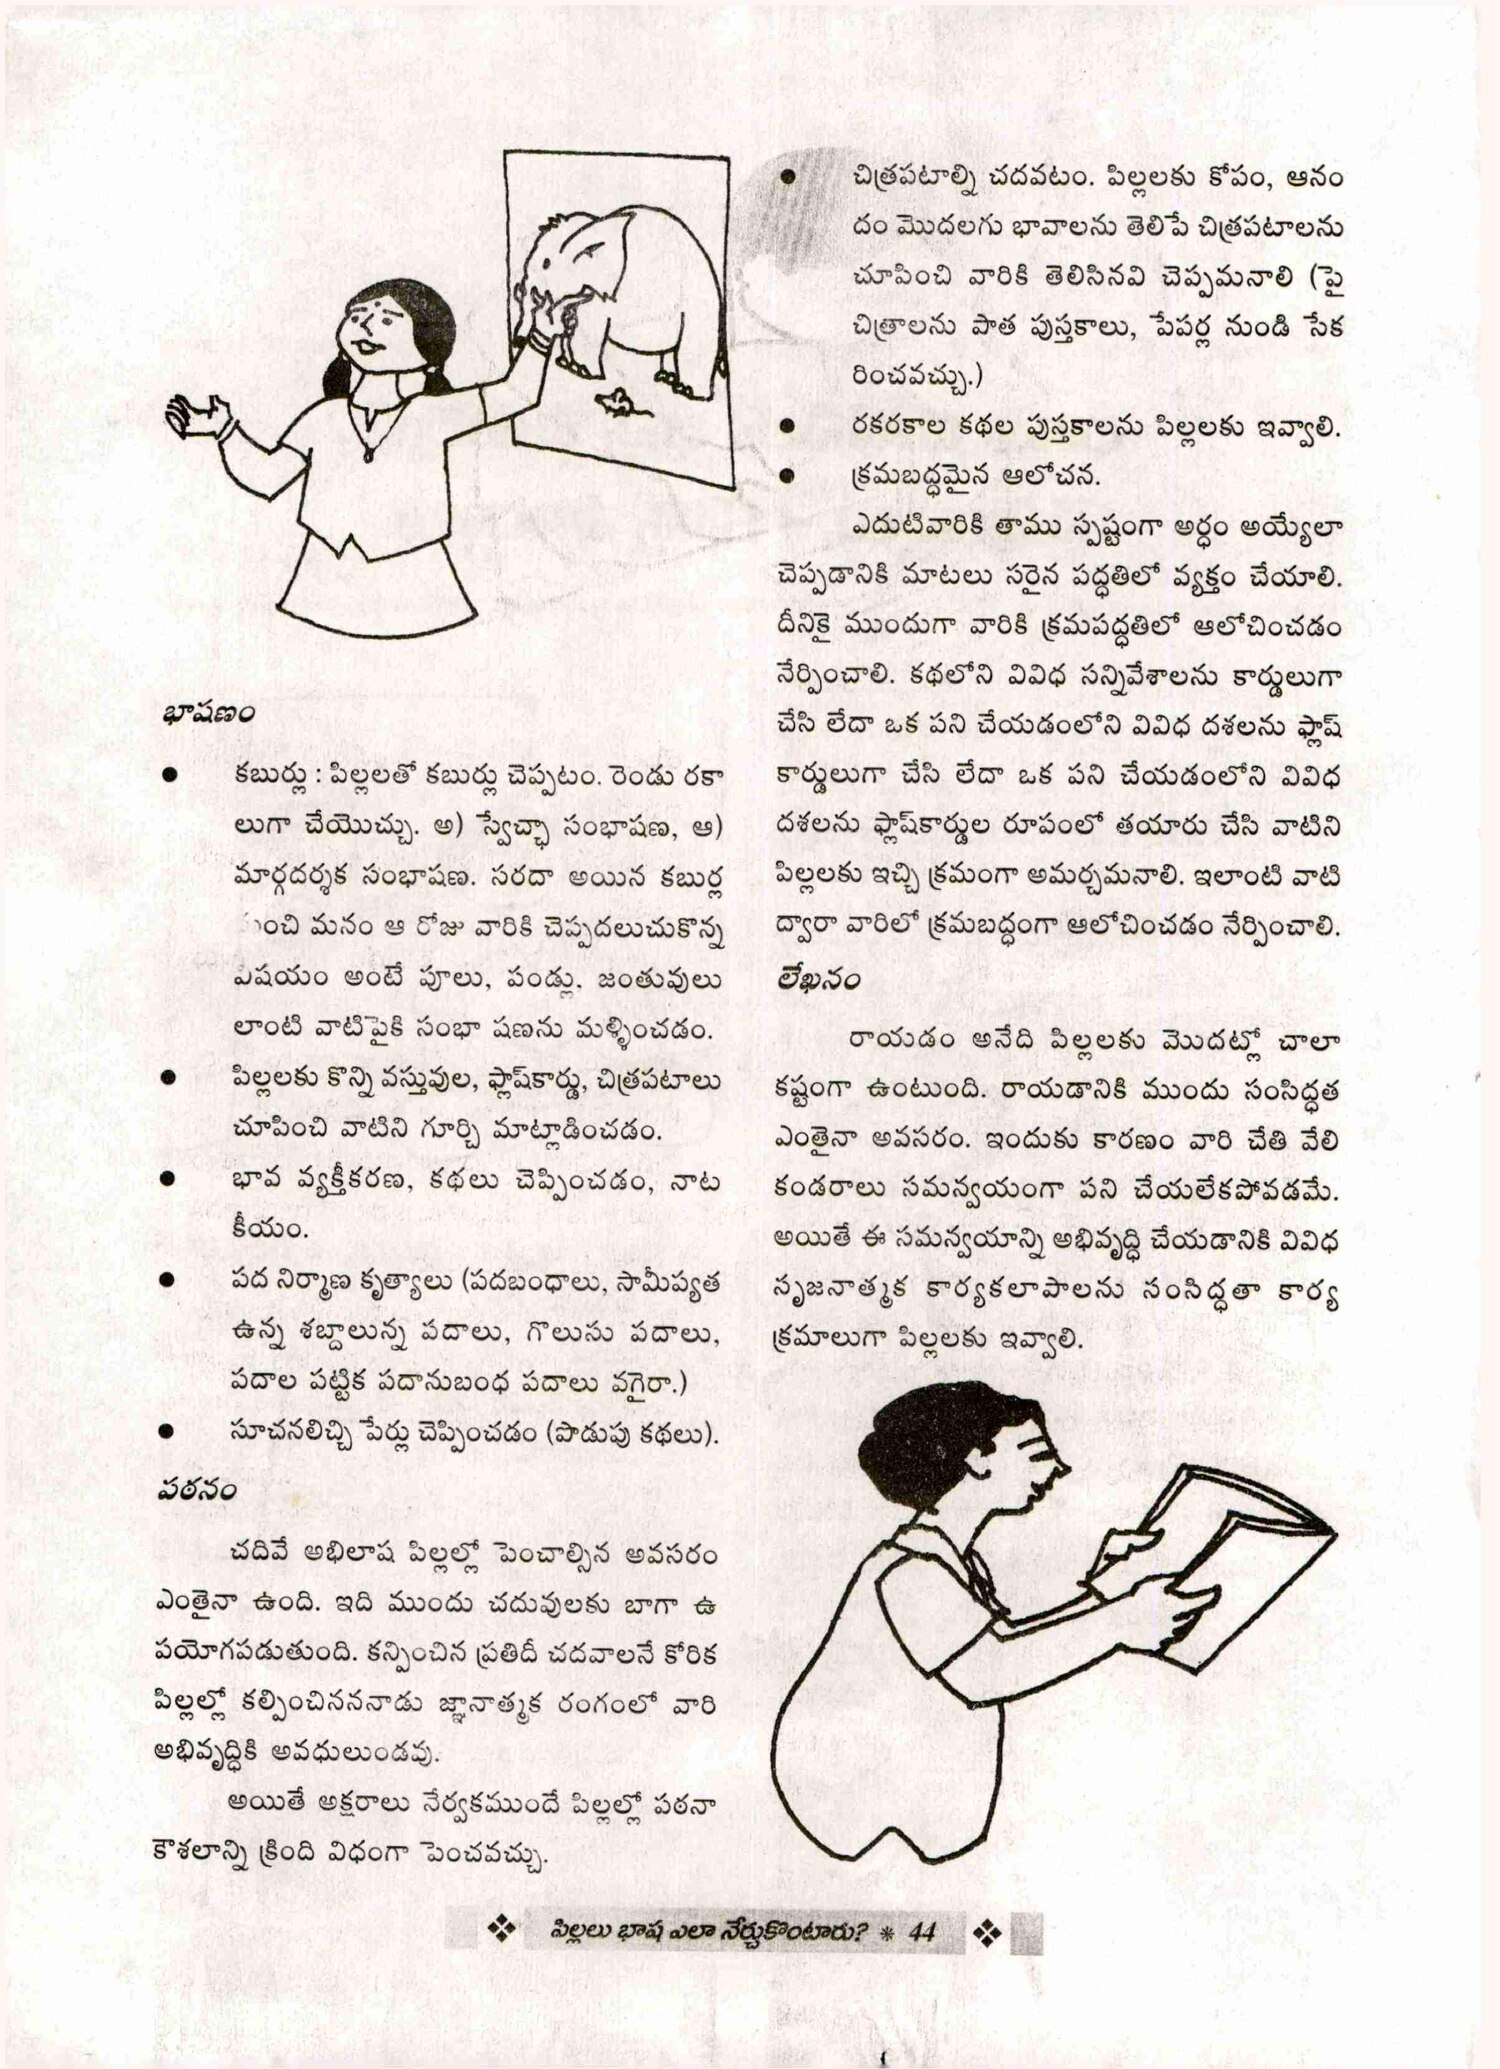భాషణం

● కబుర్లు : పిల్లలతో కబుర్లు చెప్పటం. రెండు రకాలుగా చేయొచ్చు. అ) స్వేచ్ఛా సంభాషణ, ఆ) మార్గదర్శక సంభాషణ. సరదా అయిన కబుర్ల నుంచి మనం ఆ రోజు వారికి చెప్పదలుచుకొన్న విషయం అంటే పూలు, పండ్లు, జంతువులు
లాంటి వాటిపైకి సంభాషణను మళ్ళించడం.

● పిల్లలకు కొన్ని వస్తువుల, ఫ్లాష్‌కార్డు, చిత్రపటాలు చూపించి వాటిని గూర్చి మాట్లాడించడం.

● భావ వ్యక్తీకరణ, కథలు చెప్పించడం, నాటకీయం.

● పద నిర్మాణ కృత్యాలు (పదబంధాలు, సామీప్యత ఉన్న శబ్దాలున్న పదాలు, గొలుసు పదాలు, పదాల పట్టిక పదానుబంధ పదాలు వగైరా.)

● సూచనలిచ్చి పేర్లు చెప్పించడం (పొడుపు కథలు).

పఠనం

చదివే అభిలాష పిల్లల్లో పెంచాల్సిన అవసరం ఎంతైనా ఉంది. ఇది ముందు చదువులకు బాగా ఉపయోగపడుతుంది. కన్పించిన ప్రతిదీ చదవాలనే కోరిక పిల్లల్లో కల్పించినననాడు జ్ఞానాత్మక రంగంలో వారి
అభివృద్ధికి అవధులుండవు.

అయితే అక్షరాలు నేర్వకముందే పిల్లల్లో పఠనా కౌశలాన్ని క్రింది విధంగా పెంచవచ్చు.

● చిత్రపటాల్ని చదవటం. పిల్లలకు కోపం, ఆనందం మొదలగు భావాలను తెలిపే చిత్రపటాలను చూపించి వారికి తెలిసినవి చెప్పమనాలి (పై చిత్రాలను పాత పుస్తకాలు, పేపర్ల నుండి సేకరించవచ్చు.)

● రకరకాల కథల పుస్తకాలను పిల్లలకు ఇవ్వాలి.

● క్రమబద్ధమైన ఆలోచన.

ఎదుటివారికి తాము స్పష్టంగా అర్ధం అయ్యేలా చెప్పడానికి మాటలు సరైన పద్ధతిలో వ్యక్తం చేయాలి. దీనికై ముందుగా వారికి క్రమపద్ధతిలో ఆలోచించడం నేర్పించాలి. కథలోని వివిధ సన్నివేశాలను కార్డులుగా చేసి లేదా ఒక పని చేయడంలోని వివిధ దశలను ఫ్లాష్‌కార్డులుగా చేసి లేదా ఒక పని చేయడంలోని వివిధ దశలను ఫ్లాష్‌కార్డుల రూపంలో తయారు చేసి వాటిని పిల్లలకు ఇచ్చి క్రమంగా అమర్చమనాలి. ఇలాంటి వాటిద్వారా వారిలో క్రమబద్ధంగా ఆలోచించడం నేర్పించాలి.

లేఖనం

రాయడం అనేది పిల్లలకు మొదట్లో చాలా కష్టంగా ఉంటుంది. రాయడానికి ముందు సంసిద్ధత ఎంతైనా అవసరం. ఇందుకు కారణం వారి చేతి వేలి కండరాలు సమన్వయంగా పని చేయలేకపోవడమే. అయితే ఈ సమన్వయాన్ని అభివృద్ధి చేయడానికి వివిధ సృజనాత్మక కార్యకలాపాలను సంసిద్ధతా కార్య క్రమాలుగా పిల్లలకు ఇవ్వాలి.